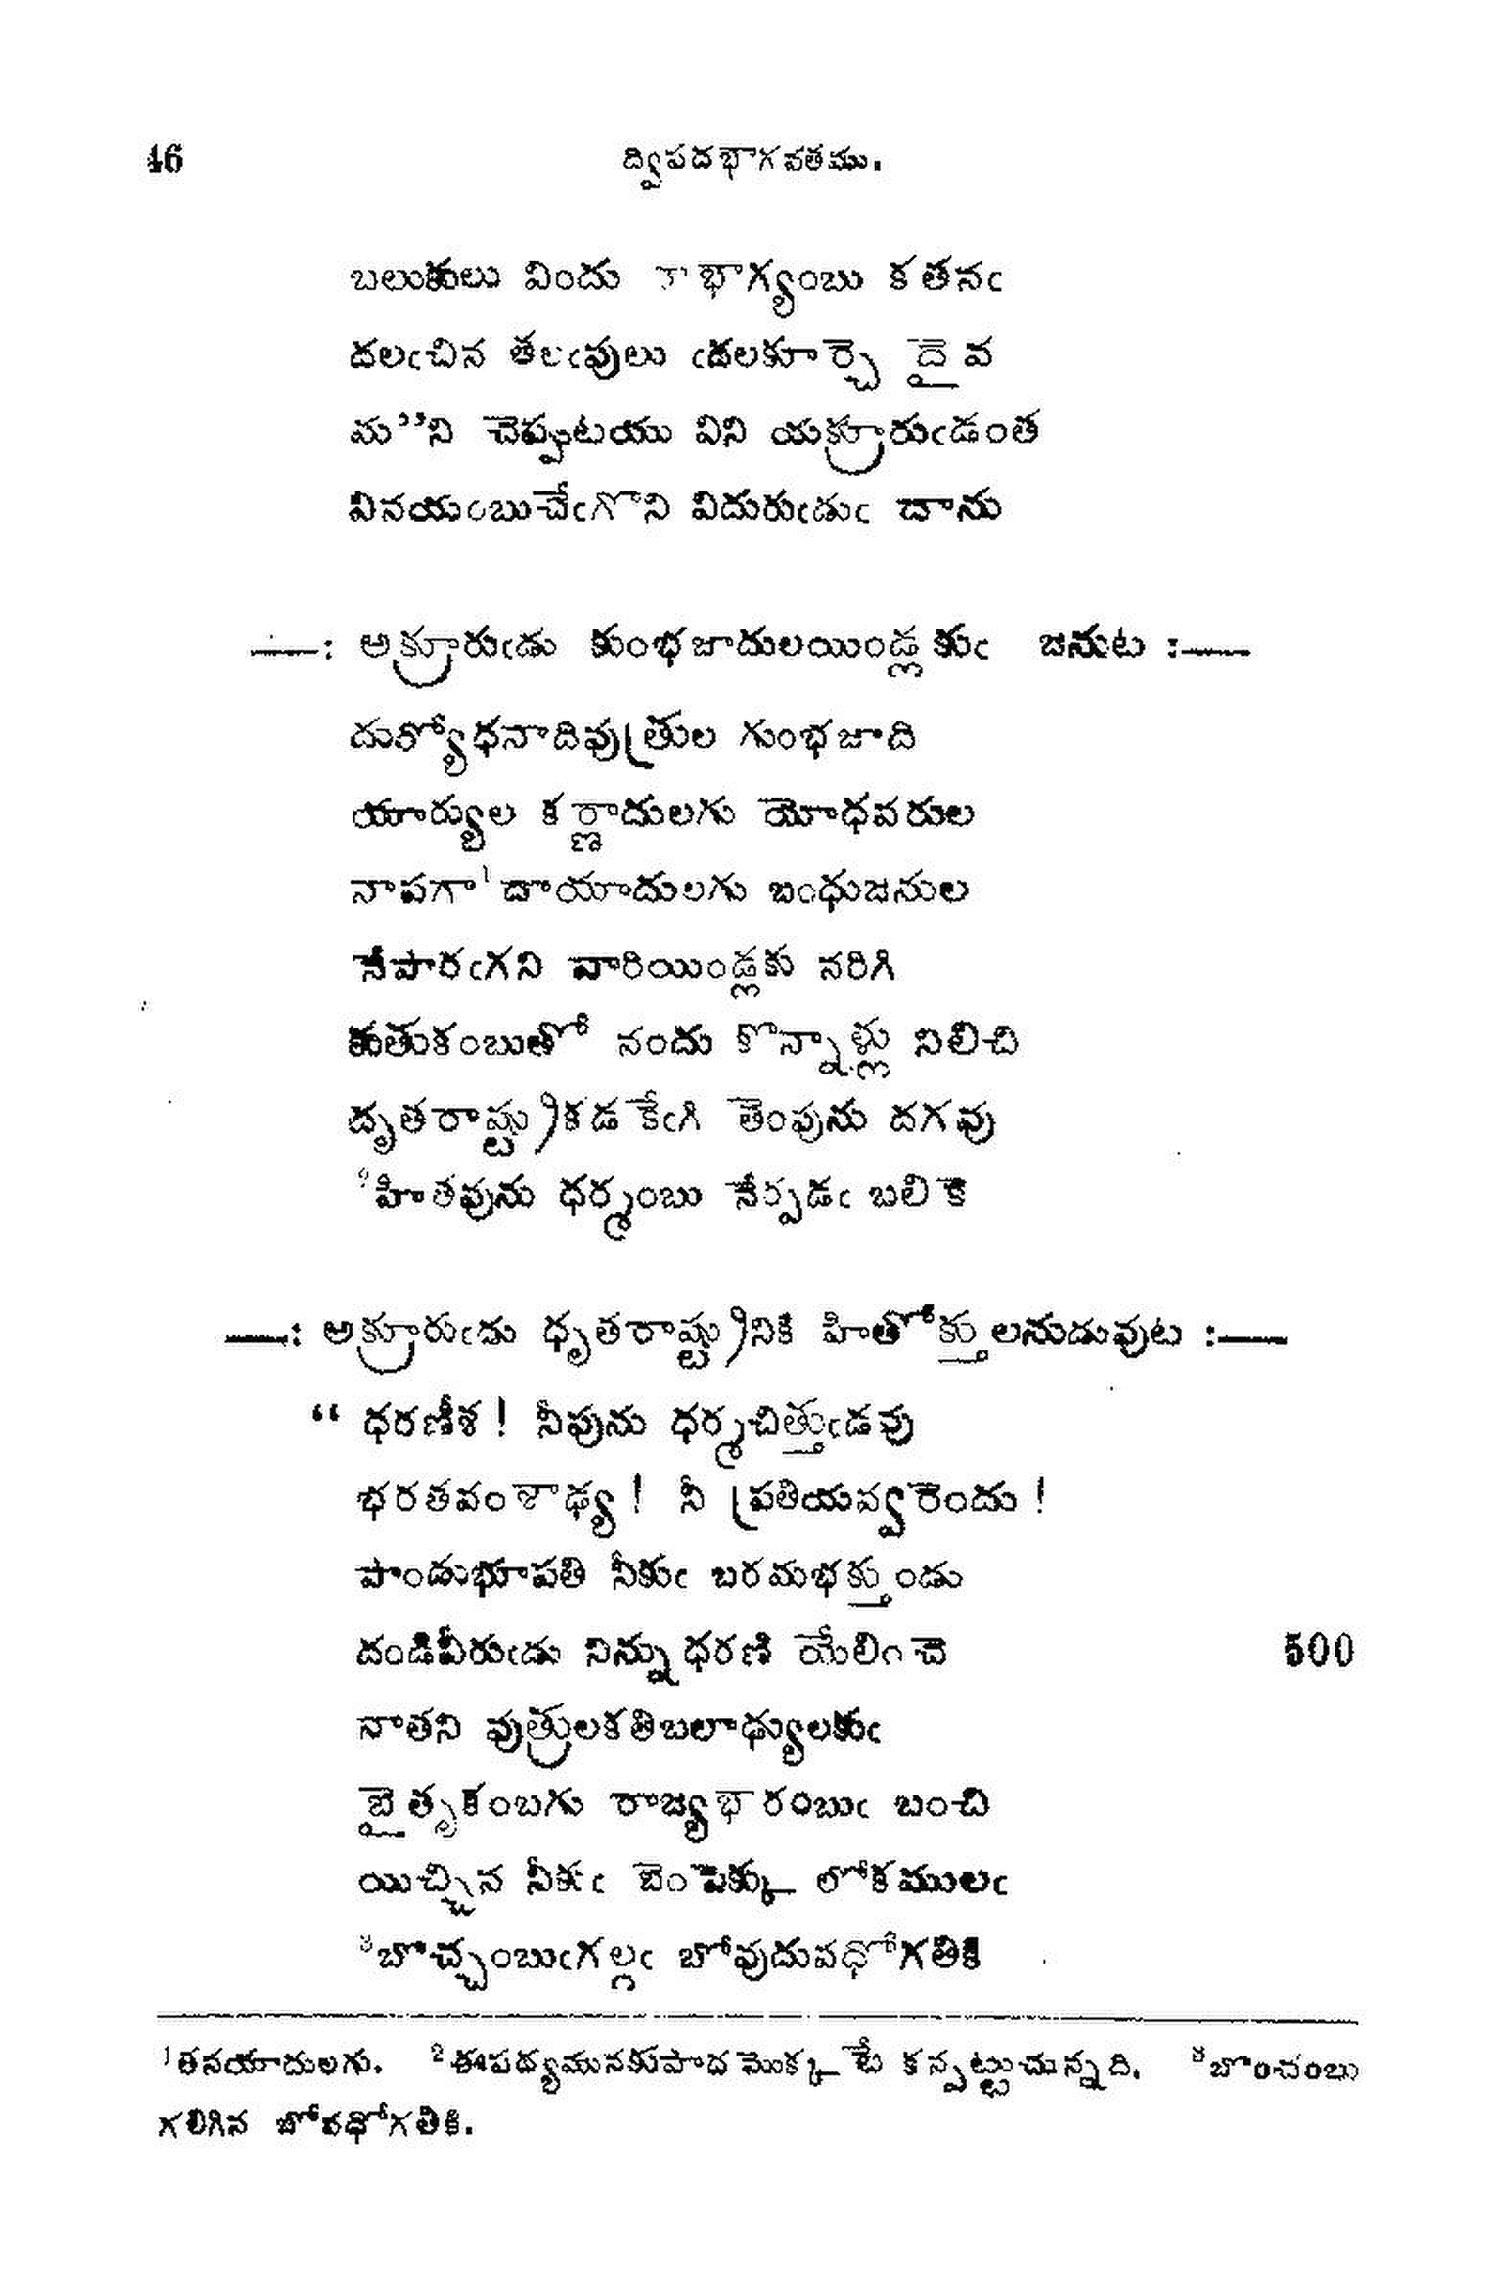బలుకులు విందు రాభాగ్యంబు కతనఁ
దలఁచిన తలఁపులుఁ దలకూర్చె దైవ
మ”ని చెప్పుటయు విని యక్రూరుఁ డంత
వినయంబుచేఁగొని విదురుడుఁ దాను

దుర్యోధనాదిపుత్రుల గుంభజాది
యార్యుల కర్ణాదులగు యోధవరుల
నాపగా దాయాదులగు బంధుజనుల
నేపారఁగని వారియిండ్లకు నరిగి
కుతుకంబుతో నందు కొన్నాళ్లు నిలిచి
దృతరాష్ట్రు కడ కేఁగి తెంపును దగవు
హితవును ధర్మంబు నేర్పడఁ బలికె

“ధరణీశ! నీవును ధర్మచిత్తుఁడవు
భరతవంశాఢ్య! నీ ప్రతియవ్వ రెందు!
పాండుభూపతి నీకుఁ బరమభక్తుండు
దండివీరుఁడు నిన్ను ధరణి యేలించె
నాతనిపుత్రుల కతిబలాఢ్యులకు
బైతృకంబగు రాజ్యభారంబుఁ బంచి
యిచ్చిన నీకుఁ బెంపెక్కు లోకములఁ
బొచ్చంబుఁగల్గఁ బోవుదు వధోగతికి